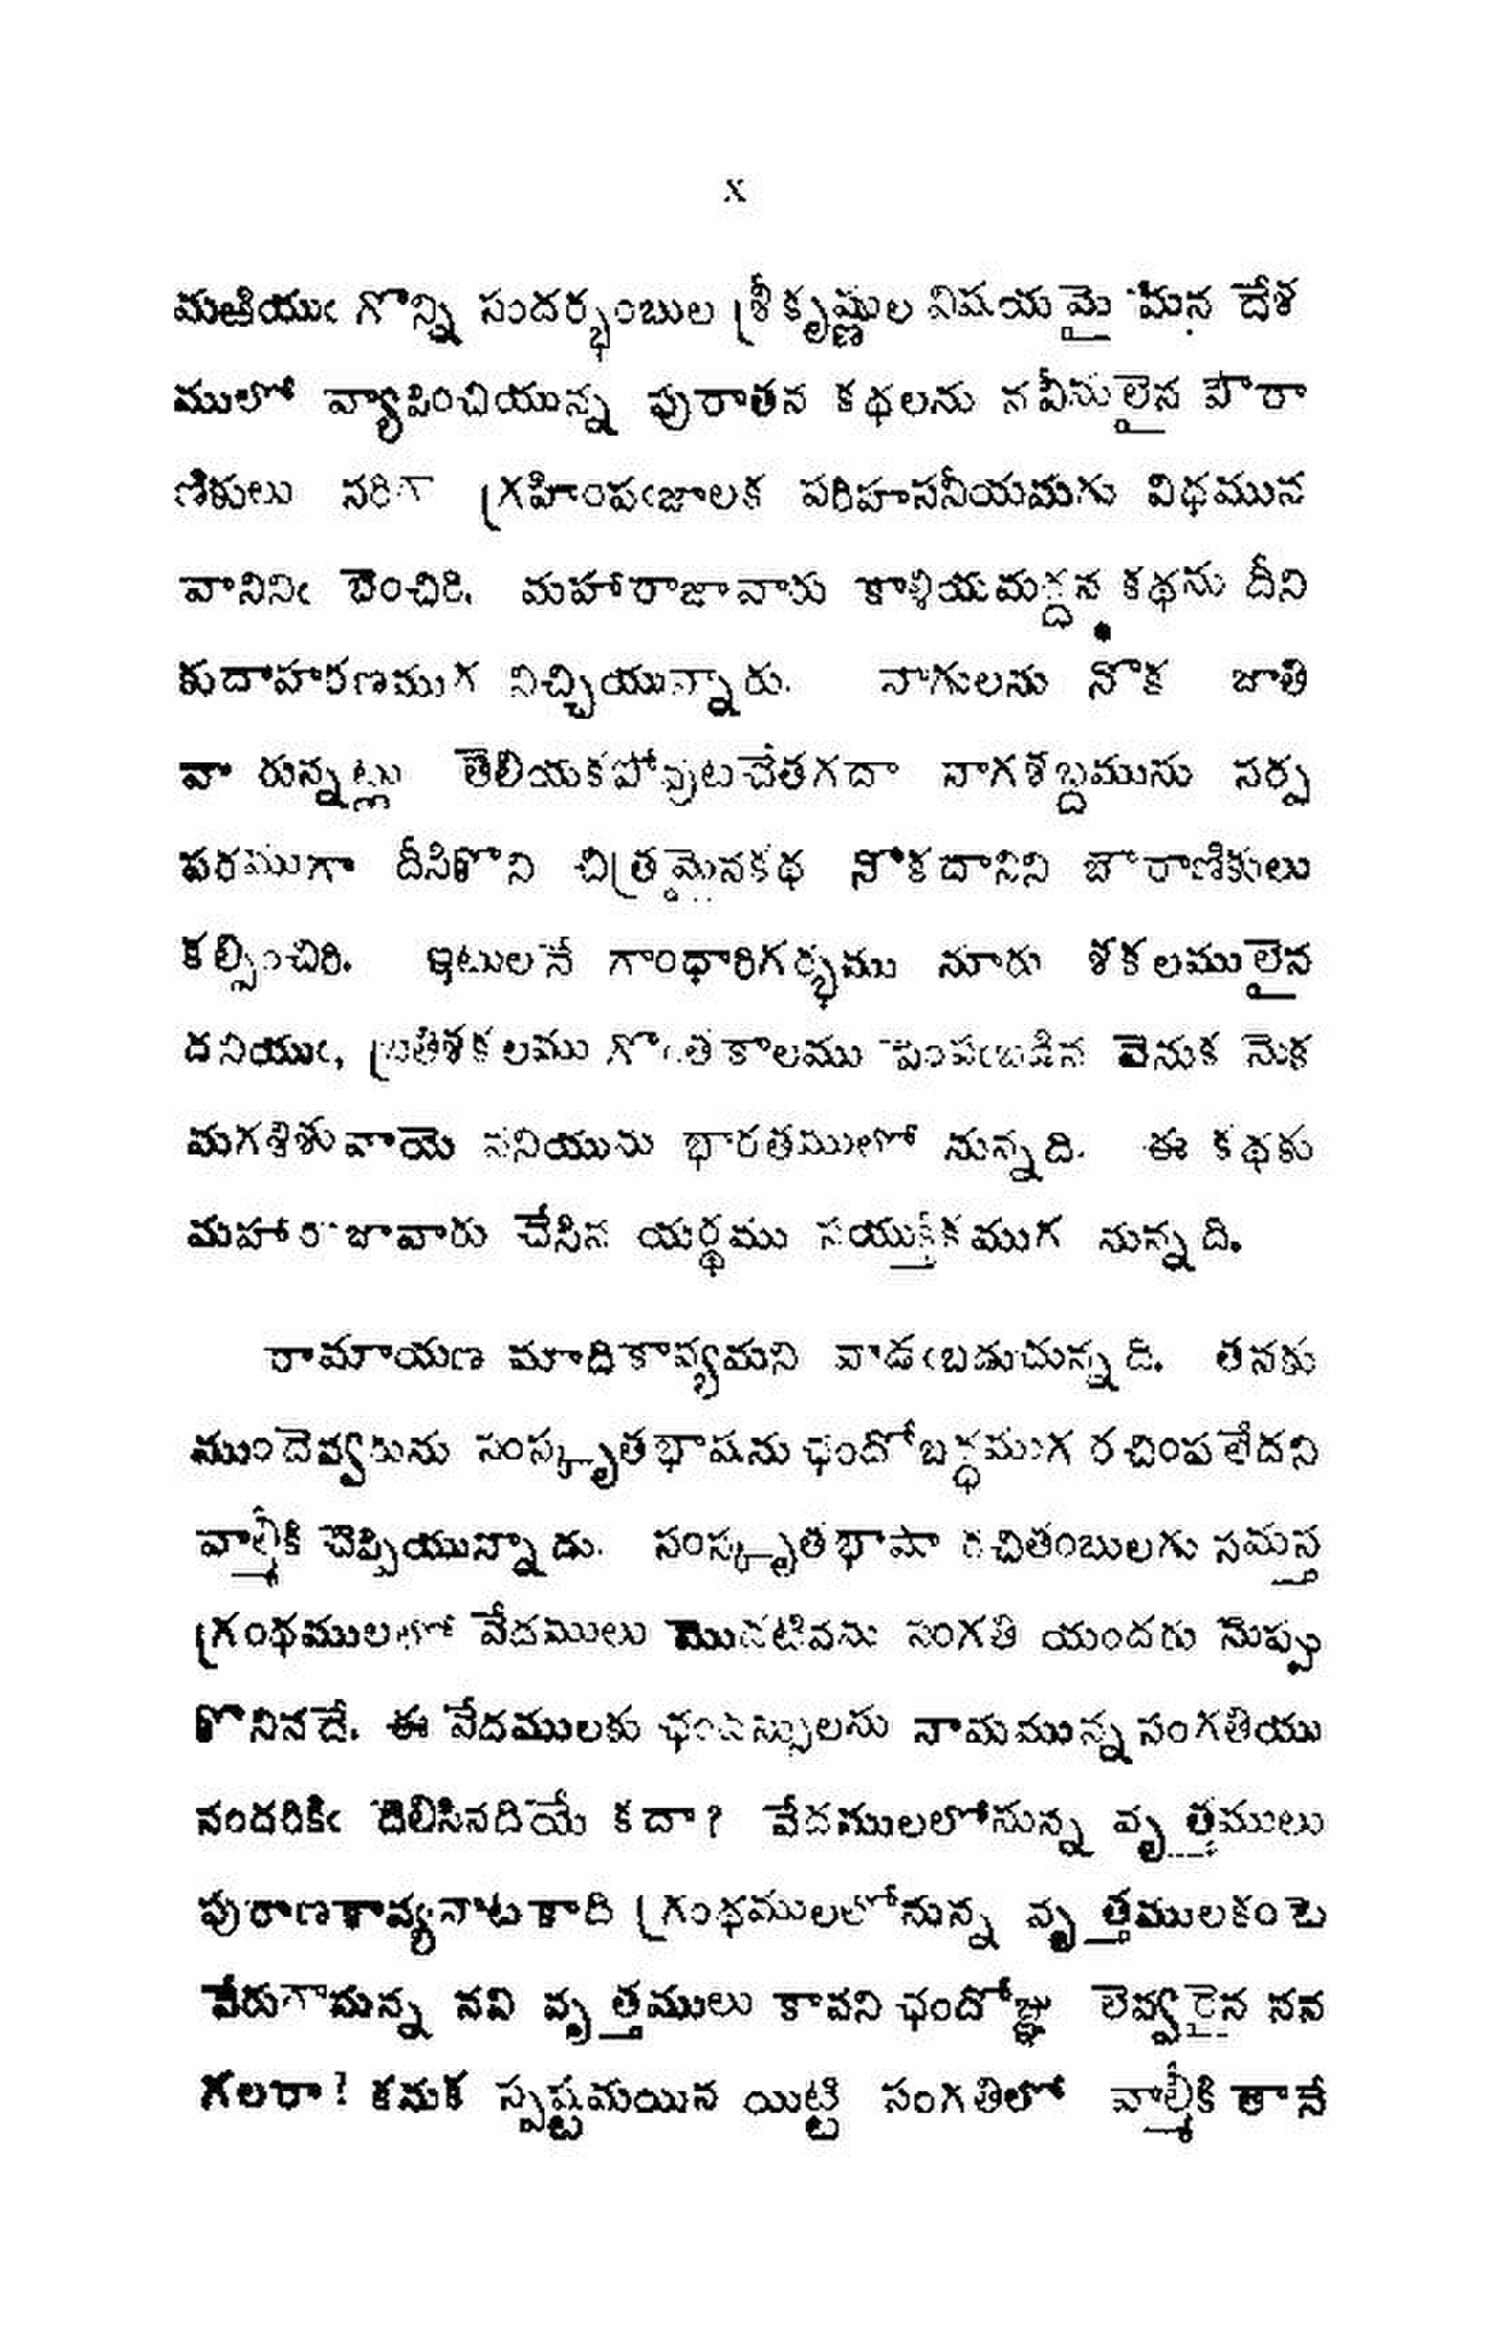మఱియుఁ గొన్ని సందర్భంబుల శ్రీకృష్ణుల విషయమై మన దేశములో వ్యాపించియున్న పురాతన కథలను నవీనులైన పౌరాణికులు సరిగా గ్రహింపఁజాలక పరిహసనీయమగు విధమున వానినిఁ బెంచిరి. మహారాజావారు కాళియమర్దన కథను దీని కుదాహరణముగ నిచ్చియున్నారు. నాగులను నొక
జాతి వా రున్నట్లు తెలియకపోవుటచేతగదా నాగశబ్దమును సర్పపరముగా దీసికొని చిత్రమైనకథ నొకదానిని బౌరాణికులు కల్పించిరి. ఇటులనే గాంధారిగర్భము నూరు శకలములైనదనియుఁ, బ్రతిశకలము గొంతకాలము పెంపఁబడిన వెనుక నొక మగశిశువాయె ననియును భారతములో నున్నది. ఈ కథకు మహారాజావారు చేసిన యర్థము సయుక్తికముగ నున్నది

రామాయణ మాదికావ్యమని వాడఁబడుచున్నది. తనకు ముందెవ్వరును సంస్కృతభాషను ఛందోబద్ధముగ రచింపలేదని వాల్మీకి చెప్పియున్నాడు. సంస్కృతభాషా రచితంబులగు సమస్త
గ్రంథములలో వేదములు మొదటివను సంగతి యందరు నొప్పు కొనినదే. ఈ వేదములకు ఛందస్సులను నామమున్న సంగతియు నందరికిఁ దెలిసినదియే కదా? వేదములలోనున్న వృత్తములు పురాణకావ్యనాటకాది గ్రంథములలోనున్న వృత్తములకంటె వేరుగానున్న నవి వృత్తములు కావని ఛందోజ్ఞు లెవ్వరైన నన గలరా! కనుక స్పష్టమయిన యిట్టి సంగతిలో వాల్మీకి తానే